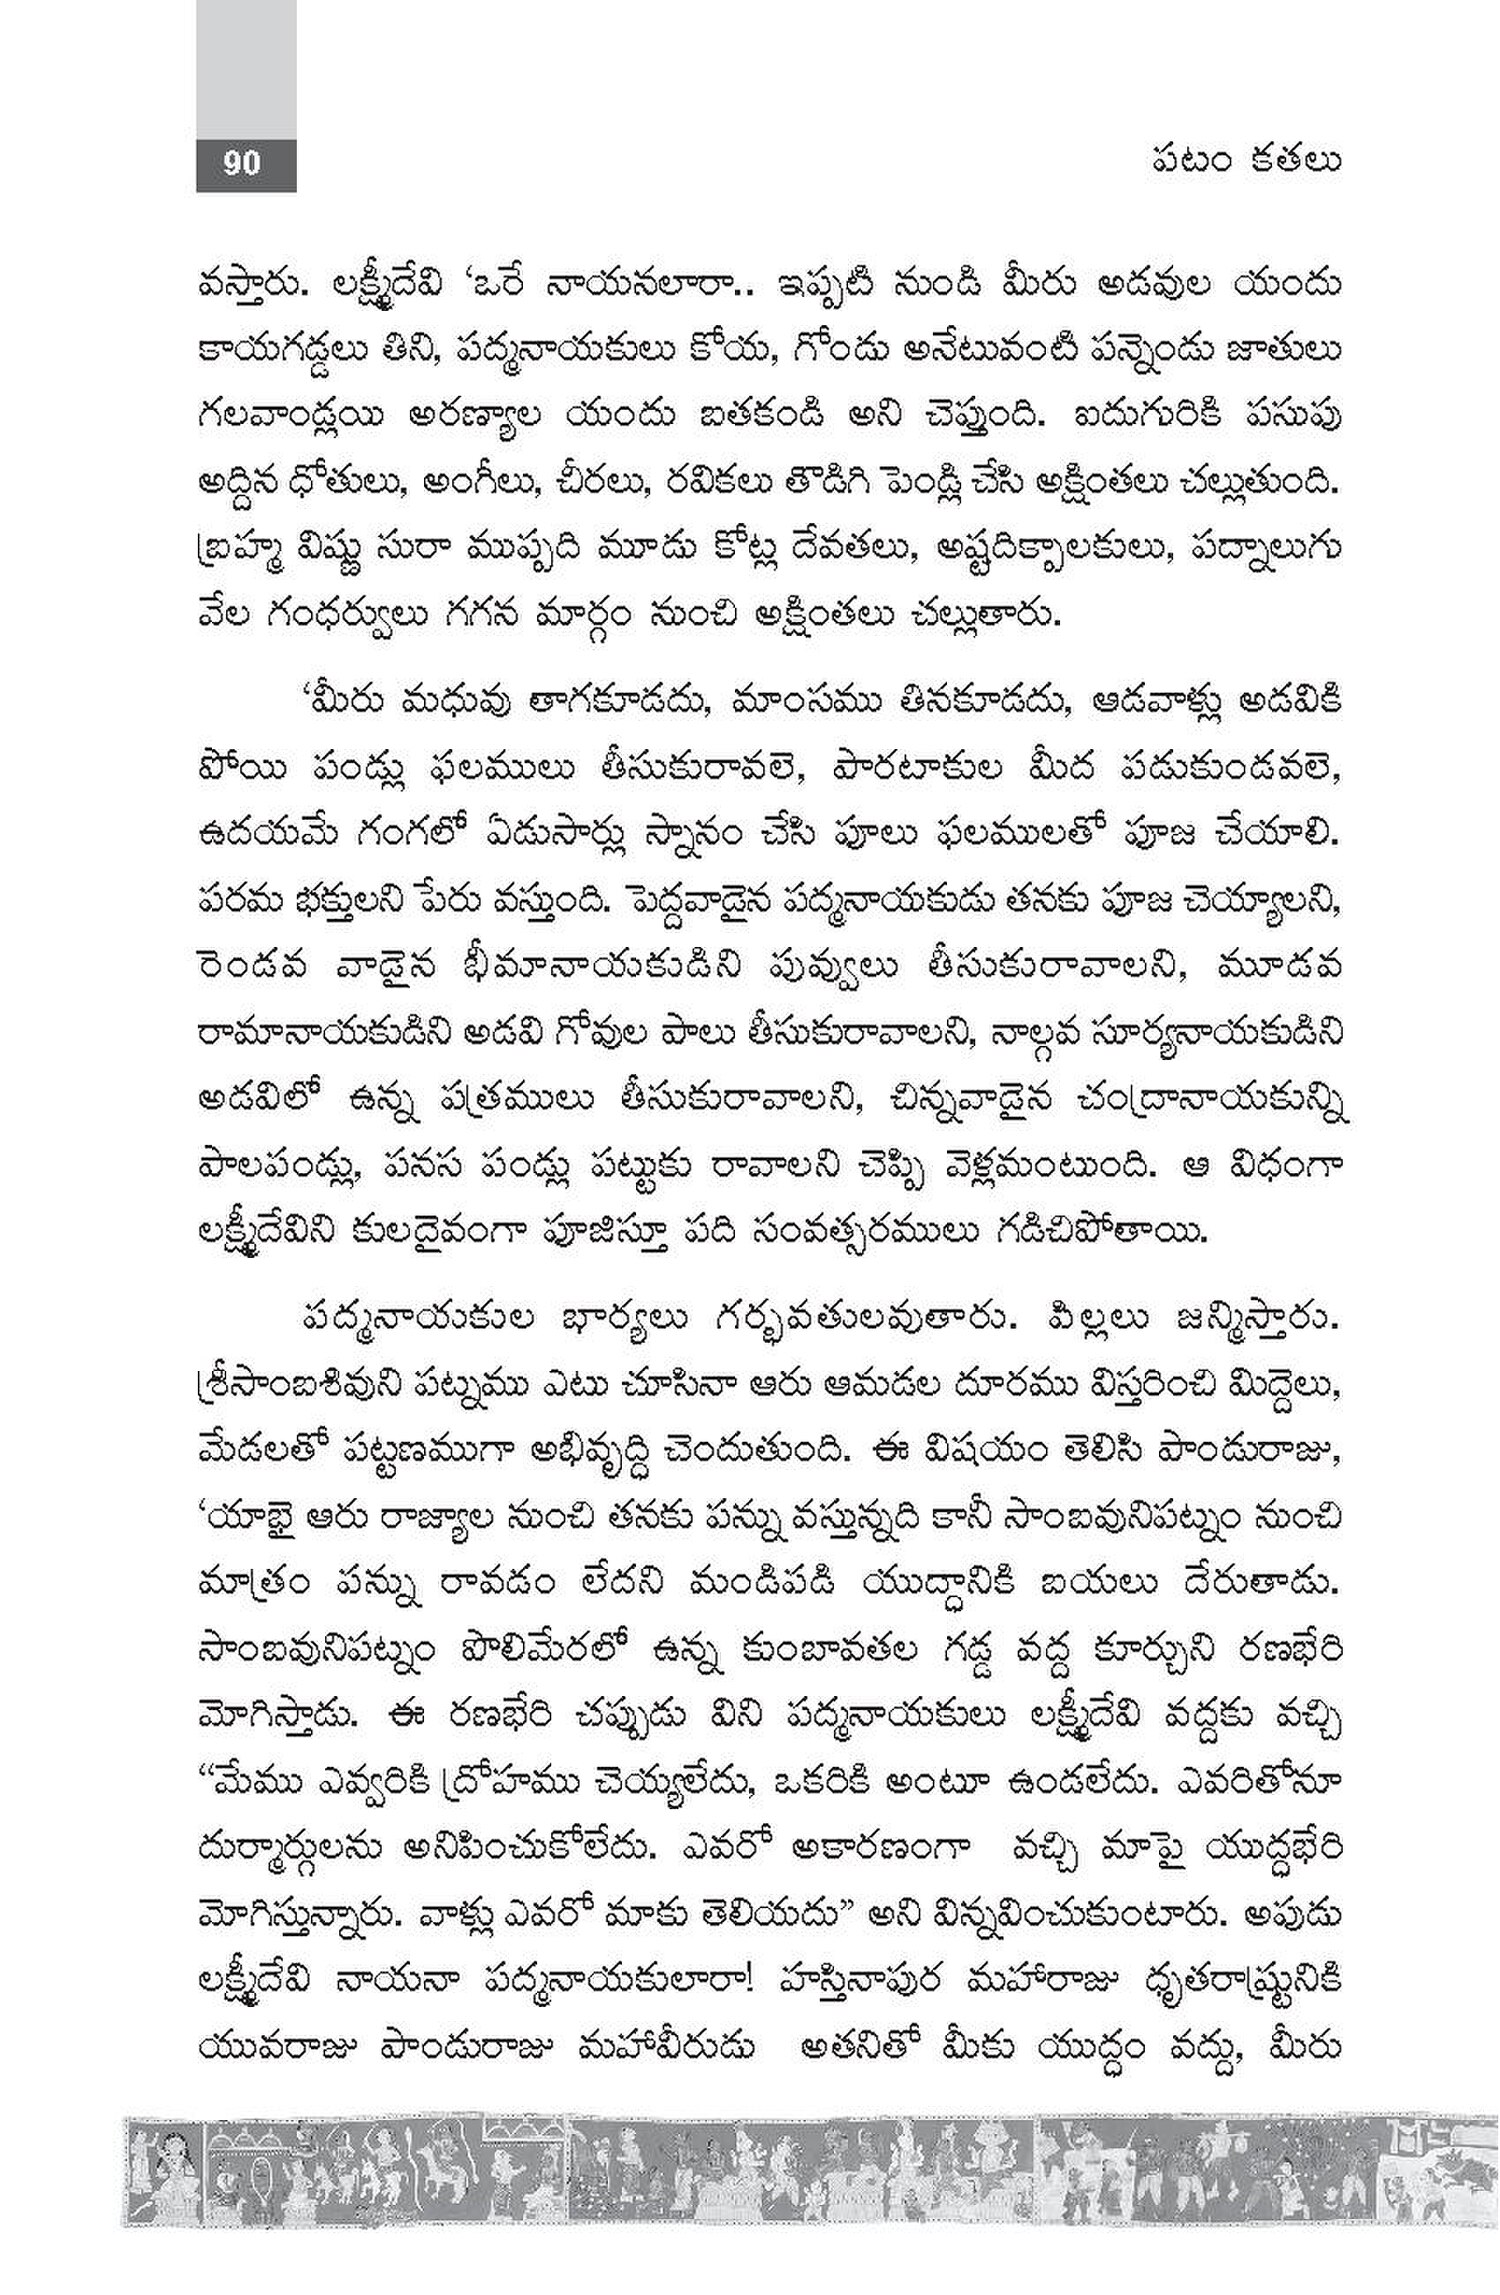వస్తారు. లక్ష్మీదేవి 'ఒరే నాయనలారా.. ఇప్పటి నుండి మీరు అడవుల యందు కాయగడ్డలు తిని, పద్మనాయకులు కోయ, గోండు అనేటువంటి పన్నెండు జాతులు గలవాండ్లయి అరణ్యాల యందు బతకండి అని చెప్తుంది. ఐదుగురికి పసుపు అద్దిన ధోతులు, అంగీలు, చీరలు, రవికలు తొడిగి పెండ్లి చేసి అక్షింతలు చల్లుతుంది. బ్రహ్మ విష్ణు సురా ముప్పది మూడు కోట్ల దేవతలు, అష్టదిక్పాలకులు, పద్నాలుగు వేల గంధర్వులు గగన మార్గం నుంచి అక్షింతలు చల్లుతారు.

'మీరు మధువు తాగకూడదు, మాంసము తినకూడదు, ఆడవాళ్లు అడవికి పోయి పండ్లు ఫలములు తీసుకురావలె, పారటాకుల మీద పడుకుండవలె, ఉదయమే గంగలో ఏడుసార్లు స్నానం చేసి పూలు ఫలములతో పూజ చేయాలి.
పరమ భక్తులని పేరు వస్తుంది. పెద్దవాడైన పద్మనాయకుడు తనకు పూజ చెయ్యాలని, రెండవ వాడైన భీమానాయకుడిని పువ్వులు తీసుకురావాలని, మూడవ రామానాయకుడిని అడవి గోవుల పాలు తీసుకురావాలని, నాల్గవ సూర్యనాయకుడిని
అడవిలో ఉన్న పత్రములు తీసుకురావాలని, చిన్నవాడైన చంద్రానాయకున్ని పాలపండ్లు, పనస పండ్లు పట్టుకు రావాలని చెప్పి వెళ్లమంటుంది. ఆ విధంగా లక్ష్మీదేవిని కులదైవంగా పూజిస్తూ పది సంవత్సరములు గడిచిపోతాయి.

పద్మనాయకుల భార్యలు గర్భవతులవుతారు. పిల్లలు జన్మిస్తారు. శ్రీసాంబశివుని పట్నము ఎటు చూసినా ఆరు ఆమడల దూరము విస్తరించి మిద్దెలు, మేడలతో పట్టణముగా అభివృద్ధి చెందుతుంది. ఈ విషయం తెలిసి పాండురాజు,
'యాభై ఆరు రాజ్యాల నుంచి తనకు పన్ను వస్తున్నది కానీ సాంబవునిపట్నం నుంచి మాత్రం పన్ను రావడం లేదని మండిపడి యుద్ధానికి బయలు దేరుతాడు. సాంబవునిపట్నం పొలిమేరలో ఉన్న కుంబావతల గడ్డ వద్ద కూర్చుని రణభేరి
మోగిస్తాడు. ఈ రణభేరి చప్పుడు విని పద్మనాయకులు లక్ష్మీదేవి వద్దకు వచ్చి "మేము ఎవ్వరికి ద్రోహము చెయ్యలేదు, ఒకరికి అంటూ ఉండలేదు. ఎవరితోనూ దుర్మార్గులను అనిపించుకోలేదు. ఎవరో అకారణంగా వచ్చి మాపై యుద్ధభేరి
మోగిస్తున్నారు. వాళ్లు ఎవరో మాకు తెలియదు" అని విన్నవించుకుంటారు. అపుడు లక్ష్మీదేవి నాయనా పద్మనాయకులారా! హస్తినాపుర మహారాజు ధృతరాష్ట్రునికి యువరాజు పాండురాజు మహావీరుడు అతనితో మీకు యుద్ధం వద్దు, మీరు